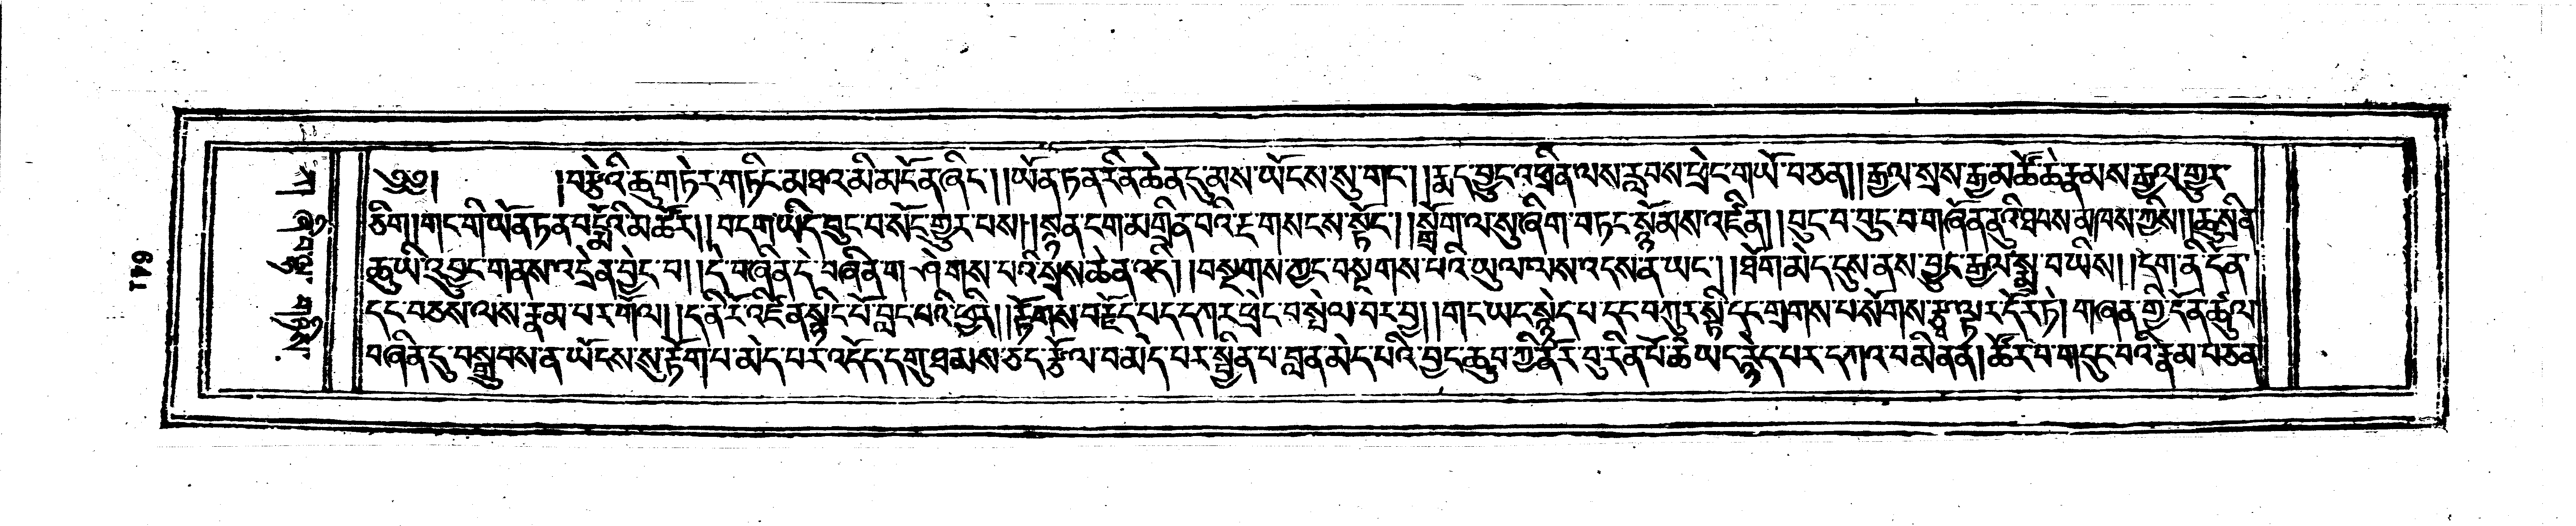༄༅། །བརྩེའི་ཆུ་གཏེར་གཏིང་མཐའ་མི་མངོན་ཞིང་། །ཡོན་ཏན་རིན་ཆེན་དུ་མས་ཡོངས་སུ་གང་། །རྨད་བྱུང་འཕྲིན་ལས་རླབས་ཕྲེང་གཡོ་བ་ཅན། །རྒྱལ་སྲས་རྒྱ་མཚོ་ཆེ་རྣམས་རྒྱལ་གྱུར་
ཅིག །གང་གི་ཡོན་ཏན་པདམོའི་མཚོར། །བདག་ཡིད་བུང་བ་སོང་གྱུར་པས། །སྙན་ངག་མགྲིན་པའི་རྔ་གསངས་སྟོང་། །སྒྲོག་ལ་སུ་ཞིག་བཏང་སྙོམས་འཛིན། །བུང་བ་བུང་བ་གཞོན་ནུའི་ཐབས་མཁས་ཀྱིས། །ཆུ་སྲིན་
ཆུ་ཡི་འབྱུང་གནས་འདྲེན་བྱེད་པ། །དེ་བཞིན་དེ་བཞིན་གཤེགས་པའི་སྲས་ཆེན་འདི། །བསྔགས་ཀྱང་བསྔགས་པའི་ཡུལ་ལས་འདས་ན་ཡང་། །ཐོག་མེད་དུས་ནས་བྱུང་རྒྱལ་སྨྲ་བ་ཡིས། །ངག་ནི་དོན་
དང་བཅས་ལས་རྣམ་པར་གོལ། །ད་ནི་རོ་འཛིན་སྙིང་པོ་བླང་བའི་ཕྱིར། །རྟོགས་བརྗོད་པད་དཀར་ཕྲེང་བ་སྤེལ་བར་བྱ། །གང་ཡང་སྙེད་པ་དང་བཀུར་སྟི་དང་གྲགས་པ་སོགས་རྩ་ལྟར་དོར་ཏེ། གཞན་གྱི་དོན་ཚུལ་
བཞིན་དུ་བསྒྲུབས་ན་ཡོངས་སུ་རྟོག་པ་མེད་པར་འདོད་དགུ་ཐམས་ཅད་རྩོལ་བ་མེད་པར་སྦྱིན་པ་བླ་ན་མེད་པའི་བྱང་ཆུབ་ཀྱི་ནོར་བུ་རིན་པོ་ཆེ་ཡང་རྙེད་པར་དཀའ་བ་མིན་ན། ཚོར་བ་གདུང་བའི་རྣམ་པ་ཅན་